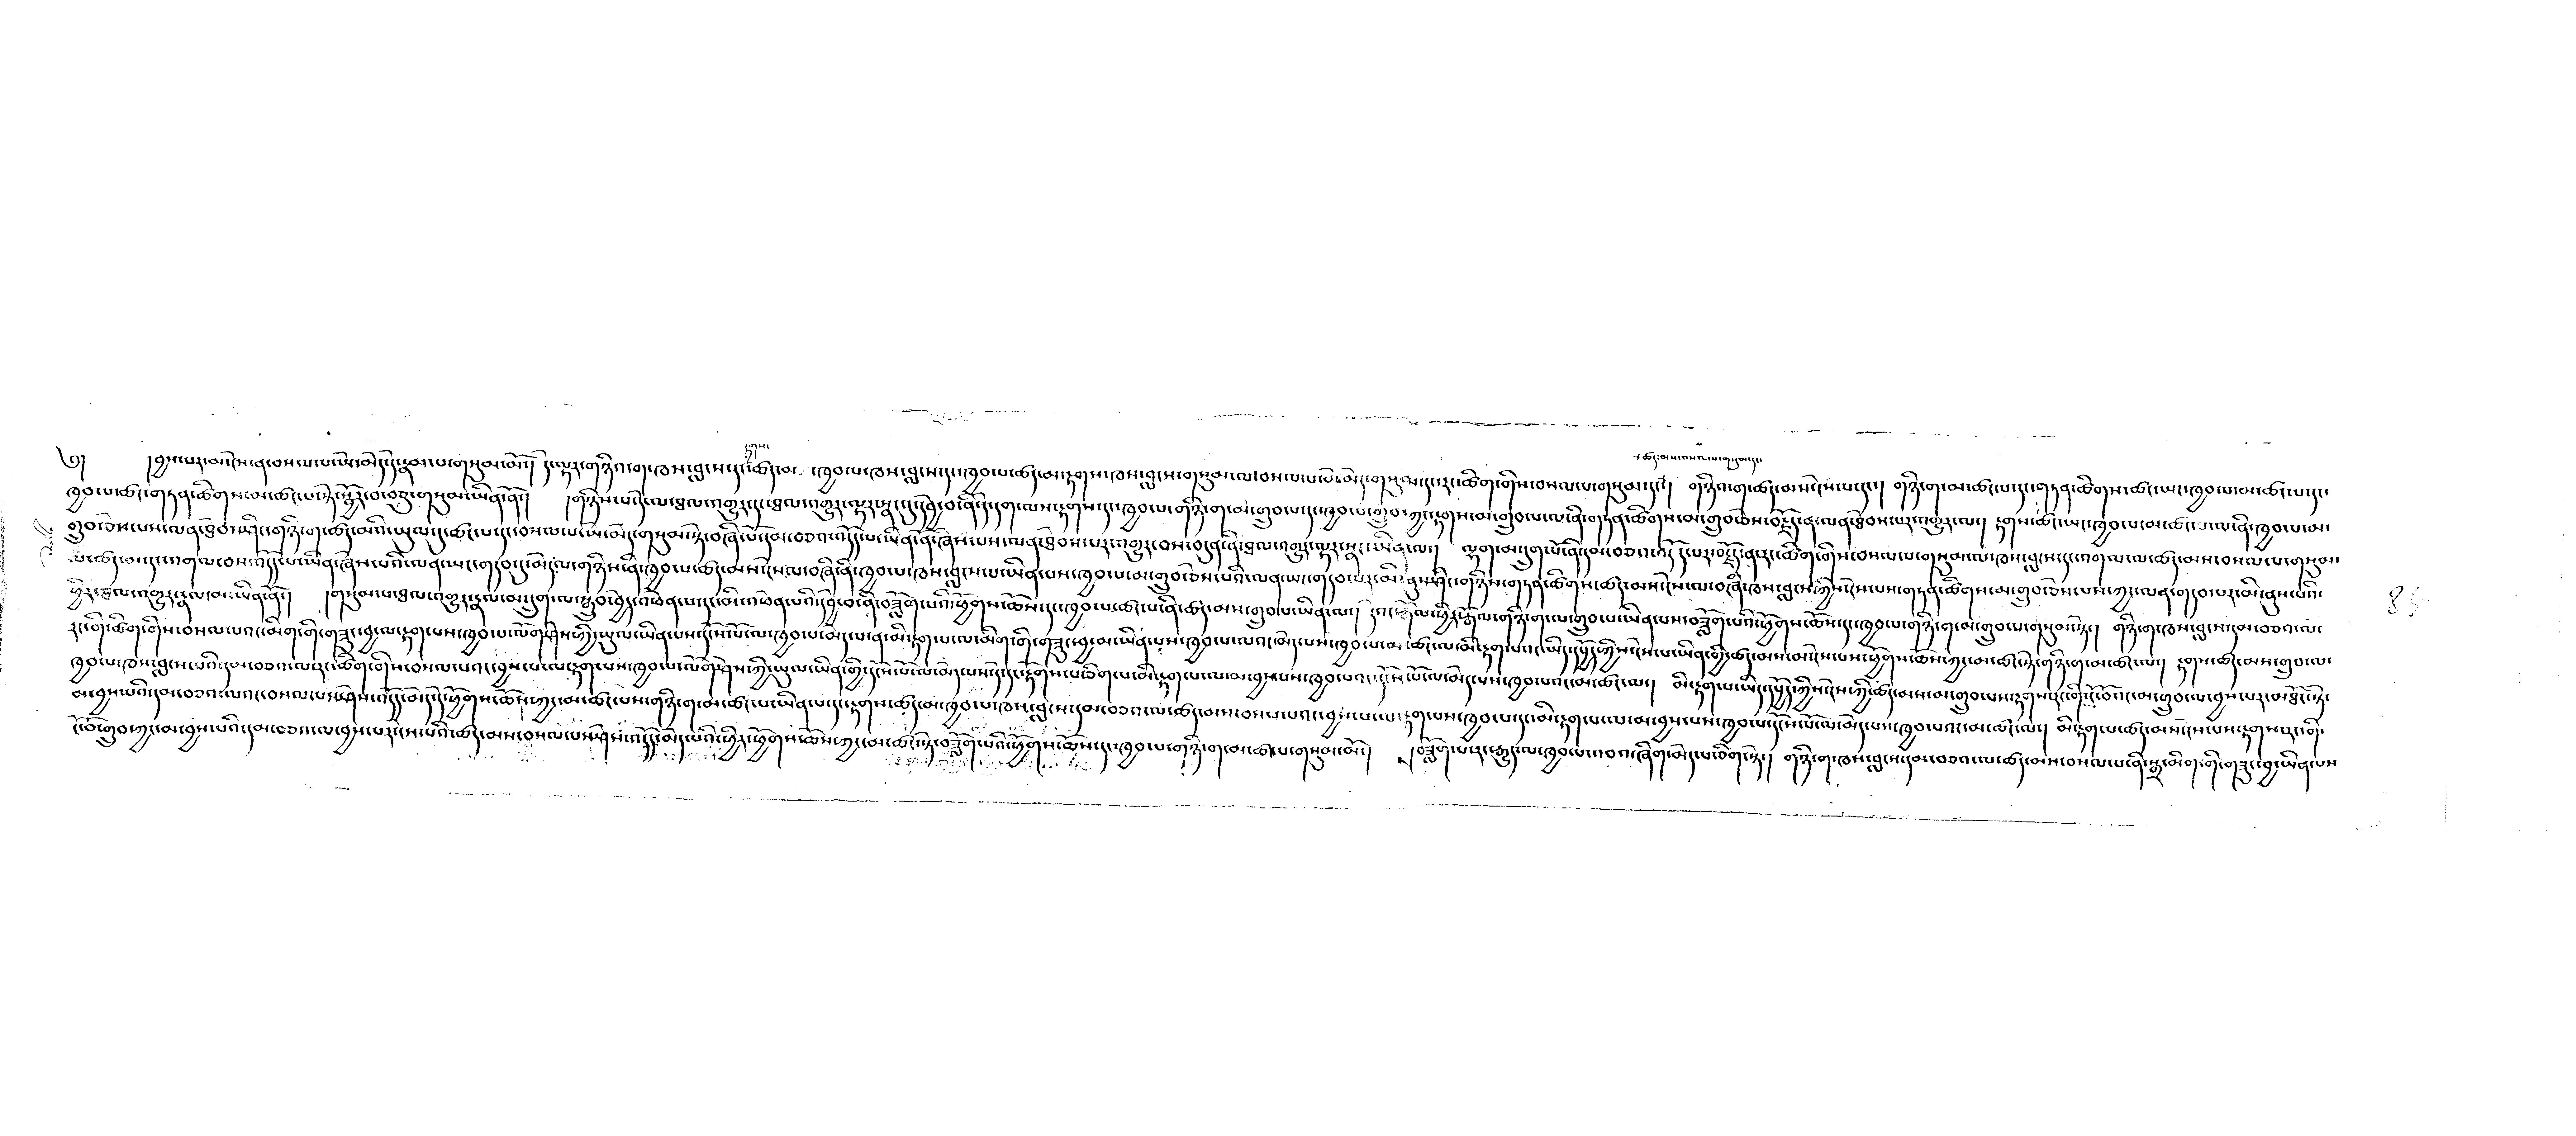༈། །བྱས་པར་མ་ངེས་ན་བསལ་པ་ཡེ་མེད་དེ་རྣམ་པ་གསུམ་མོ། དེ་ལྟར་གཉིས་ག་ཁས་བླངས་དང་དགས་ཚད་མ་ཁྱབ་པ་ཁས་བླངས་དང་ཁྱབ་པ་ཚད་མ་རྟགས་ཁས་བླངས་གསུམ་ལ་བསལ་པ་པོ་མེད་གསུམ་དང་རང་ཚིག་གིས་བསལ་པ་གསུམ་དང་། ཚད་མས་བསལ་པ་གསུམ་དང་གཉིས་ག་ཚད་མས་ངེས་པ་དང་། གཉི་ག་མ་ཚང་པ་དང་གཏན་ཚིགས་ཚང་ཡང་ཁྱབ་པ་མ་ཚང་པ་དང་
ཁྱབ་པ་ཚང་གཏན་ཚིགས་མ་ཚང་པ་སྟེ་སྦྱོར་བ་བཅུ་གསུམ་ཡིན་ནོ། །གཉིས་པ་དེ་ལ་ཐལ་འགྱུར་དང་ཐལ་འགྱུར་ལྟར་སྣང་དུ་དབྱེ་བ་ནི་དེ་དག་ལས་རྟགས་དང་ཁྱབ་པ་གཉི་ག་ལ་གྲུབ་པ་དང་ཁྱབ་པ་གྲུབ་ཀྱང་རྟགས་མ་གྲུབ་པ་ལ་ནི་གཏན་ཚིགས་མ་གྲུབ་ཅེས་བརྗོད་ན་ལན་ཐེབས་པར་འགྱུར་ལ། རྟགས་ཚང་ཡང་ཁྱབ་པ་མ་ཚང་པ་ལ་ནི་ཁྱབ་པ་མ་
གྲུབ་ཅེས་པས་ལན་ཐེབས་ཤིང་གཉི་ག་ཚད་མའི་ཡུལ་དུ་ཚང་པ་དང་བསལ་པ་ཡེ་མེད་གསུམ་སྟེ་བཞི་པོ་དམ་བཅའ་འདོད་པ་ཡིན་ནོ་ཞེས་པས་ལན་ཐེབས་པར་འགྱུར་བས་བདུན་ནི་ཐལ་འགྱུར་ལྟར་སྣང་ཡིན་ལ། ལྷག་མ་དྲུག་པོ་ནི་དམ་བཅའ་འདོད་པར་བརྗོད་ན་རང་ཚིག་གིས་བསལ་པ་གསུམ་ལ་ཁས་བླངས་དང་འགལ་ལ་ཚད་མས་བསལ་པ་གསུམ་
ལ་ཚད་མ་དང་འགལ་བས་འདོད་པ་ཡིན་ཞེས་པའི་ལན་ཡང་གདབ་དུ་མེད་ལ་གཉིས་ནི་ཁྱབ་པ་ཚད་མས་ངེས་ལ་བཞི་ནི་ཁྱབ་པ་ཁས་བླངས་པ་ཡིན་པས་ཁྱབ་པ་མ་གྲུབ་ཅེས་པའི་ལན་ཡང་གདབ་པར་མི་ནུས་ཤིང་གཉིས་གཏན་ཚིགས་ཚད་མས་ངེས་ལ་བཞི་ཁས་བླངས་ཀྱིས་ངེས་པས་གཏན་ཚིགས་མ་གྲུབ་ཅེས་པས་ཀྱང་ལན་གདབ་པར་མི་ནུས་པའི་
ཕྱིར་ཐལ་འགྱུར་རྣལ་མ་ཡིན་ནོ། །གསུམ་པ་ཐལ་འགྱུར་རྣལ་མ་དྲུག་ལ་སྒྲུབ་བྱེད་འཕེན་པ་དང་མི་འཕེན་པའི་དབྱེ་བ་ནི་བཟློག་པའི་ཕྱོགས་ཆོས་དང་ཁྱབ་པ་ཚང་པ་ནི་ཚད་མས་གྲུབ་པ་ཡིན་ལ། དེའང་རྒོལ་ཕྱིར་རྒོལ་ཉི་ག་ལ་གྲུབ་པ་ཡིན་པས་བཟློག་པའི་ཕྱོགས་ཆོས་དང་ཁྱབ་པ་གཉི་ག་མ་གྲུབ་པ་གསུམ་སྟེ། གཉི་ག་ཁས་བླངས་དམ་བཅའ་ལ་
རང་གི་ཚིག་གིས་བསལ་པའང་མིག་གི་གཟུང་བྱ་ལ་རྟག་པས་ཁྱབ་པ་ལོག་ཤེས་ཀྱི་ཡུལ་ཡིན་པས་དངོས་པོ་ལ་ཁྱབ་པ་མེད་པ་ན་མི་རྟག་པ་ལ་མིག་གི་གཟུང་བྱ་མ་ཡིན་པས་ཁྱབ་པ་ལའང་མེད་པས་ཁྱབ་པ་མ་ཚང་ལ་མི་རྟག་པའང་ཡིད་དཔྱོད་ཀྱིས་ངེས་པ་ཡིན་གྱི་ཚད་མས་མ་ངེས་པས་ཕྱོགས་ཆོས་ཀྱི་མ་ཚང་སྟེ་གཉི་ག་མ་ཚང་ལ། རྟགས་ཚད་མས་གྲུབ་ལ་
ཁྱབ་པ་ཁས་བླངས་པའི་དམ་བཅའ་ལ་རང་ཚིག་གིས་བསལ་པའང་བྱས་པ་ལ་རྟག་པས་ཁྱབ་པ་ལོག་ཤེས་ཀྱི་ཡུལ་ཡིན་གྱི་དངོས་པོ་ལ་མེད་པས་དེ་དང་རྟོགས་པ་ཅིག་པ་མི་རྟག་པ་ལ་མ་བྱས་པས་ཁྱབ་པའང་དངོས་པོ་ལ་མེད་པས་ཁྱབ་པའང་མ་ཚང་མ། མི་རྟག་པ་ཡིད་དཔྱོད་ཀྱིས་ངེས་ཀྱི་ཚད་མས་མ་གྲུབ་པས་རྟགས་རང་གི་ངོ་བོ་དང་མ་གྲུབ་ལ་བྱས་པར་མཐོང་སྟེ་
མ་བྱས་པའི་དམ་བཅའ་ལའང་བསལ་པས་ཤེས་འདོད་མེད་དེ་ཕྱོགས་ཆོས་ཀྱང་མ་ཚང་པས་གཉི་ག་མ་ཚང་པ་ཡིན་པ་དང་རྟགས་ཚད་མ་ཁྱབ་པ་ཁས་བླངས་དམ་བཅས་ལ་ཚད་མས་བསལ་པའང་བྱས་པ་ལ་རྟག་པས་ཁྱབ་པ་དང་མི་རྟག་པ་ལ་མ་བྱས་པས་ཁྱབ་པ་དངོས་པོ་མ་མེད་པས་ཁྱབ་པའང་མ་མེད་ལ། མི་རྟག་པ་ཚད་མས་ངེས་པས་རྟགས་རང་གི་
ངོ་བོ་གྲུབ་ཀྱང་མ་བྱས་པའི་དམ་བཅའ་ལ་བྱས་པར་ངེས་པའི་ཚད་མས་བསལ་པས་ཤེས་འདོད་མེད་པའི་ཕྱིར་ཕྱོགས་ཆོས་ཀྱང་མ་ཚང་སྟེ་བཟློག་པའི་ཕྱོགས་ཆོས་དང་ཁྱབ་པ་གཉི་ག་མ་ཚང་པ་གསུམ་མོ། །བཟློག་པ་རང་རྒྱུད་ལ་ཁྱབ་པ་འབའ་ཞིག་མེད་པ་ཅིག་སྟེ། གཉི་ག་ཁས་བླངས་དམ་བཅའ་ལ་ཚད་མས་བསལ་པ་ནི་སྒྲ་མིག་གི་གཟུང་བྱ་ཡིན་པས་